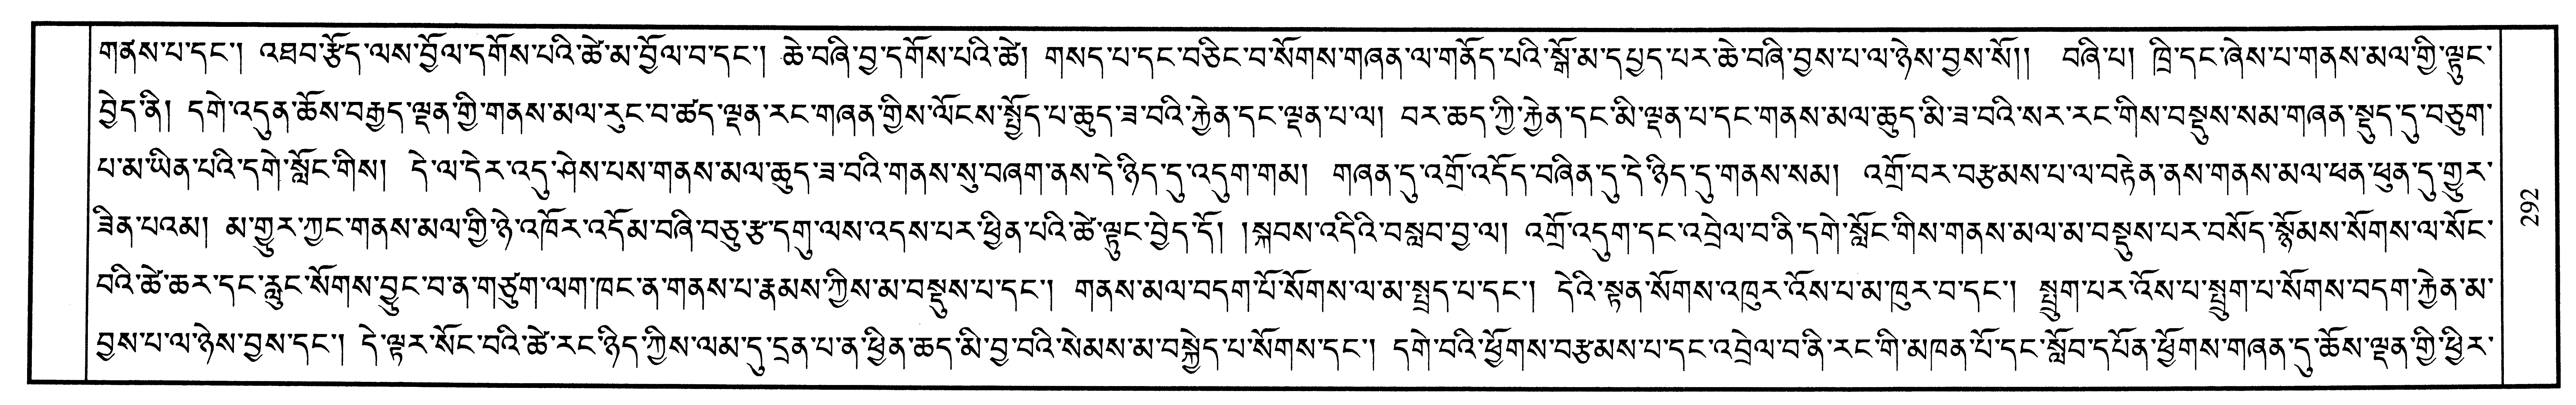གནས་པ་དང་། འཐབ་རྩོད་ལས་བྱོལ་དགོས་པའི་ཚེ་མ་བྱོལ་བ་དང་། ཆེ་བཞི་བྱ་དགོས་པའི་ཚེ། གསད་པ་དང་བཅིང་བ་སོགས་གཞན་ལ་གནོད་པའི་སྒོ་མ་དཔྱད་པར་ཆེ་བཞི་བྱས་པ་ལ་ཉེས་བྱས་སོ།། བཞི་པ། ཁྲི་དང་ཞེས་པ་གནས་མལ་གྱི་ལྟུང་
བྱེད་ནི། དགེ་འདུན་ཆོས་བརྒྱད་ལྡན་གྱི་གནས་མལ་རུང་བ་ཚད་ལྡན་རང་གཞན་གྱིས་ལོངས་སྤྱོད་པ་ཆུད་ཟ་བའི་རྐྱེན་དང་ལྡན་པ་ལ། བར་ཆད་ཀྱི་རྐྱེན་དང་མི་ལྡན་པ་དང་གནས་མལ་ཆུད་མི་ཟ་བའི་སར་རང་གིས་བསྡུས་སམ་གཞན་སྡུད་དུ་བཅུག་
པ་མ་ཡིན་པའི་དགེ་སློང་གིས། དེ་ལ་དེར་འདུ་ཤེས་པས་གནས་མལ་ཆུད་ཟ་བའི་གནས་སུ་བཞག་ནས་དེ་ཉིད་དུ་འདུག་གམ། གཞན་དུ་འགྲོ་འདོད་བཞིན་དུ་དེ་ཉིད་དུ་གནས་སམ། འགྲོ་བར་བརྩམས་པ་ལ་བརྟེན་ནས་གནས་མལ་ཕན་ཕུན་དུ་གྱུར་
ཟིན་པའམ། མ་གྱུར་ཀྱང་གནས་མལ་གྱི་ཉེ་འཁོར་འདོམ་བཞི་བཅུ་རྩ་དགུ་ལས་འདས་པར་ཕྱིན་པའི་ཚེ་ལྟུང་བྱེད་དོ། །སྐབས་འདིའི་བསླབ་བྱ་ལ། འགྲོ་འདུག་དང་འབྲེལ་བ་ནི་དགེ་སློང་གིས་གནས་མལ་མ་བསྡུས་པར་བསོད་སྙོམས་སོགས་ལ་སོང་
བའི་ཚེ་ཆར་དང་རླུང་སོགས་བྱུང་བ་ན་གཙུག་ལག་ཁང་ན་གནས་པ་རྣམས་ཀྱིས་མ་བསྡུས་པ་དང་། གནས་མལ་བདག་པོ་སོགས་ལ་མ་སྤྲད་པ་དང་། དེའི་སྟན་སོགས་འཁུར་འོས་པ་མ་ཁུར་བ་དང་། སྤྲུག་པར་འོས་པ་སྤྲུག་པ་སོགས་བདག་རྐྱེན་མ་
བྱས་པ་ལ་ཉེས་བྱས་དང་། དེ་ལྟར་སོང་བའི་ཚེ་རང་ཉིད་ཀྱིས་ལམ་དུ་དྲན་པ་ན་ཕྱིན་ཆད་མི་བྱ་བའི་སེམས་མ་བསྐྱེད་པ་སོགས་དང་། དགེ་བའི་ཕྱོགས་བརྩམས་པ་དང་འབྲེལ་བ་ནི་རང་གི་མཁན་པོ་དང་སློབ་དཔོན་ཕྱོགས་གཞན་དུ་ཆོས་ལྡན་གྱི་ཕྱིར་